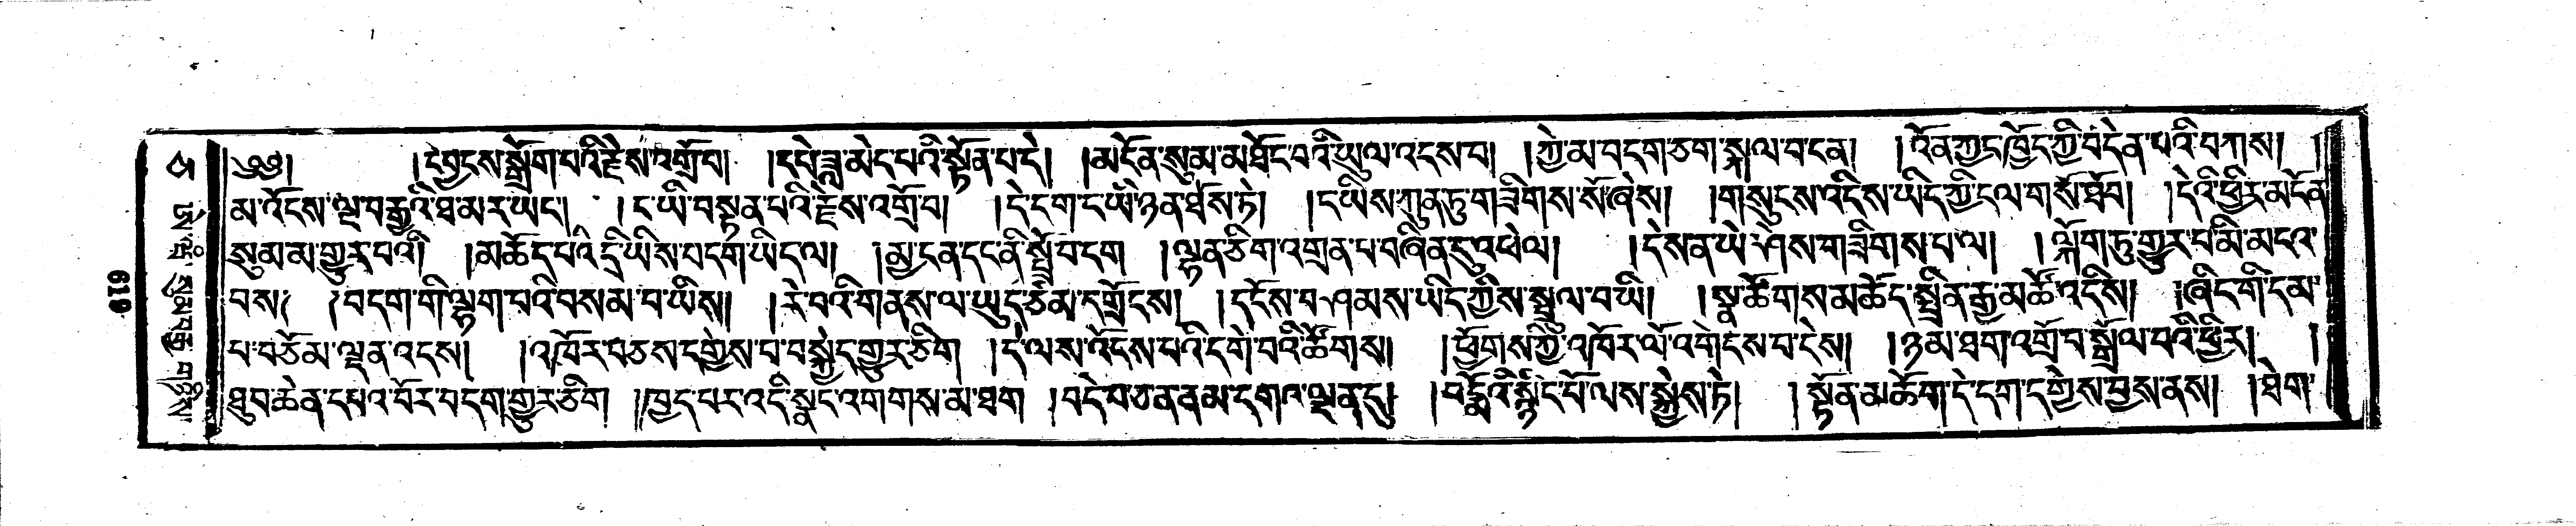༄༅། །དབྱངས་སྒྲོག་པའི་རྗེས་འགྲོ་བ། །དཔེ་ཟླ་མེད་པའི་སྟོན་པ་དེ། །མངོན་སུམ་མཐོང་བའི་ཡུལ་འདས་པ། །ཀྱེ་མ་བདག་ཅག་སྐལ་བ་ངན། །འོན་ཀྱང་ཁྱོད་ཀྱི་བདེན་པའི་བཀས།།
མ་འོངས་ལྔ་བརྒྱའི་ཐ་མར་ཡང་། །ང་ཡི་བསྟན་པའི་རྗེས་འགྲོ་བ། །དེ་དག་ང་ཡི་ཉན་ཐོས་ཏེ། །ང་ཡིས་ཀུན་ཏུ་གཟིགས་སོ་ཞེས། །གསུངས་འདིས་ཡིད་ཀྱི་ངལ་གསོ་ཐོབ། །དེའི་ཕྱིར་མངོན་སུམ་མ་གྱུར་པའི། །མཆོད་པ་འདི་ཡིས་བདག་ཡིད་ལ། །མྱ་ངན་དང་ནི་སྤྲོ་བ་དག །ལྷན་ཅིག་འགྲན་པ་བཞིན་དུ་འཕེལ། །དེས་ན་ཡེ་ཤེས་གཟིགས་པ་ལ། །ལྐོག་ཏུ་གྱུར་པ་མི་མངའ་
བས། །བདག་གི་ལྷག་པའི་བསམ་པ་ཡིས། །རེ་བའི་གནས་ལ་ཡུད་ཙམ་དགོངས། །དངོས་བཤམས་ཡིད་ཀྱིས་སྤྲུལ་པ་ཡི། །སྣ་ཚོགས་མཆོད་སྤྲིན་རྒྱ་མཚོ་འདིས། །ཞིང་གི་དམ་
པ་བཅོམ་ལྡན་འདས། །འཁོར་བཅས་དགྱེས་པ་བསྐྱེད་གྱུར་ཅིག །དེ་ལས་འོངས་པའི་དགེ་བའི་ཚོགས། །ཕྱོགས་ཀྱི་འཁོར་ལོ་འགེངས་པ་དེས། །ཉམ་ཐག་འགྲོ་བ་སྒྲོལ་བའི་ཕྱིར། །
ཐུབ་ཆེན་དཔའ་བོར་བདག་གྱུར་ཅིག །ཁྱད་པར་འདི་སྣང་འགགས་མ་ཐག །བདེ་བ་ཅན་ནམ་དགའ་ལྡན་དུ། །པདམོའི་སྙིང་པོ་ལས་སྐྱེས་ཏེ། །སྟོན་མཆོག་དེ་དག་དགྱེས་བྱས་ནས། །ཐེག་